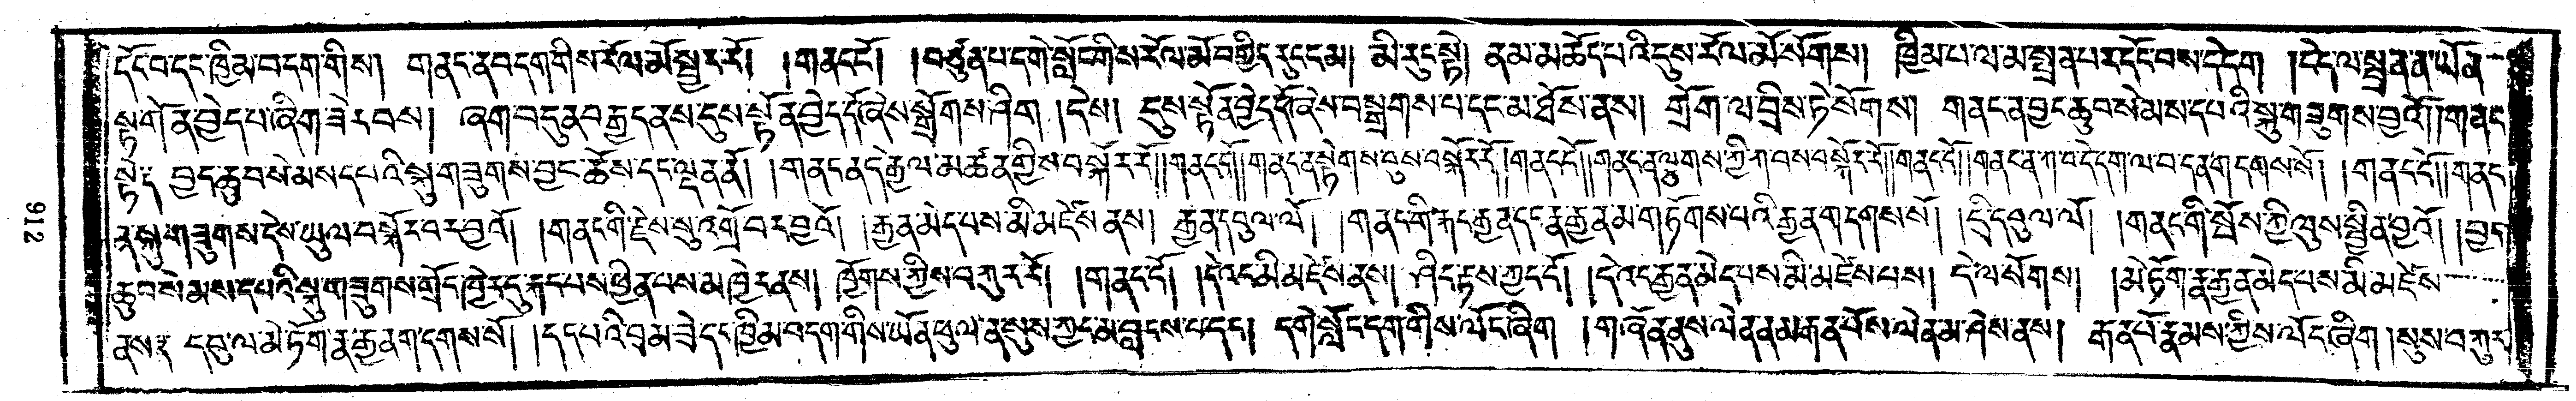དོང་བ་དང་ཁྱིམ་བདག་གིས། གནང་ན་བདག་གིས་རོལ་མོ་སྦྱར་རོ། །གནང་ངོ། །བཙུན་པ་དགེ་སློང་གིས་རོལ་མོ་བགྱིད་རུང་ངམ། མི་རུང་སྟེ། ནམ་མཆོད་པའི་དུས་རོལ་མོ་སོགས། ཁྱིམ་པ་ལ་མ་སྤྲན་པར་དོང་བས་དེ་དག །ངེད་ལ་སྦྲན་ན་ཡོན་
སྟ་གོན་བྱེད་པ་ཞིག་ཟེར་བས། ཞག་བདུན་བརྒྱད་ནས་དུས་སྟོན་བྱེད་དོ་ཞེས་སྒྲོགས་ཤིག །དེས། དུས་སྟོན་བྱེད་དོ་ཞེས་བསྒྲགས་པ་དང་མ་ཐོས་ནས། གྲོག་ལ་བྲིས་ཏེ་སོགས། གནང་ན་བྱང་ཆུབ་སེམས་དཔའི་སྐུ་གཟུགས་བྱའོ། །གནང་
སྟེ༑ བྱང་ཆུབ་སེམས་དཔའི་སྐུ་གཟུགས་བྱང་ཆོས་དང་ལྡན་ནོ། །གནང་ན་དེ་རྒྱལ་མཚན་གྱིས་བསྐོར་རོ། །གནང་ངོ།། གནང་ན་སྟེགས་བུས་བསྐོར་རོ། །གནང་ངོ། །གནང་ན་ལྕགས་ཀྱི་ཀ་བས་བསྐོར་རོ། །གནང་ངོ། །གནང་ན་ཀ་བ་དེ་དག་ལ་བ་དན་དགས་སོ། །གནང་ངོ།། གནང་
ན་སྐུ་གཟུགས་དེས་ཡུལ་བསྐོར་བར་བྱའོ། །གནང་གི་རྗེས་སུ་འགྲོ་བར་བྱའོ། །རྒྱན་མེད་པས་མི་མཛེས་ནས། རྒྱན་དབུལ་ལོ། །གནང་གི་རྐང་རྒྱན་དང་རྣ་རྒྱན་མ་གཏོགས་པའི་རྒྱན་གདགས་སོ། །དྲི་དབུལ་ལོ། །གནང་གི་སྤོས་ཀྱི་ལུས་སྦྱིན་བྱའོ། །བྱང་
ཆུབ་སེམས་དཔའི་སྐུ་གཟུགས་གྲོང་ཁྱེར་དུ་རྐང་པས་ཕྱིན་པས་མཁྱེར་ནས། ཁྱོགས་ཀྱིས་བཀུར་རོ། །གནང་ངོ། །དེའང་མི་མཛེས་ནས། ཤིང་རྟས་ཀྱང་ངོ། །དེའང་རྒྱན་མེད་པས་མི་མཛེས་པས། དེ་ལ་སོགས། །མེ་ཏོག་རྣ་རྒྱན་མེད་པས་མི་མཛེས་
ནས༑ དབུ་ལ་མེ་ཏོག་རྣ་རྒྱ་ནག་དགས་སོ། །དད་པའི་བྲམ་ཟེ་དང་ཁྱིམ་བདག་གིས་ཡོན་ཕུལ་ན་སུས་ཀྱང་མ་བླངས་པ་དང་། དགེ་སློང་དག་གིས་ལོང་ཞིག །གཞོན་ནུས་ལེན་ནམ་རྒན་པོས་ལེན་མ་ཤེས་ནས། རྒན་པོ་རྣམས་ཀྱིས་ལོང་ཞིག །སུས་བཀུར་